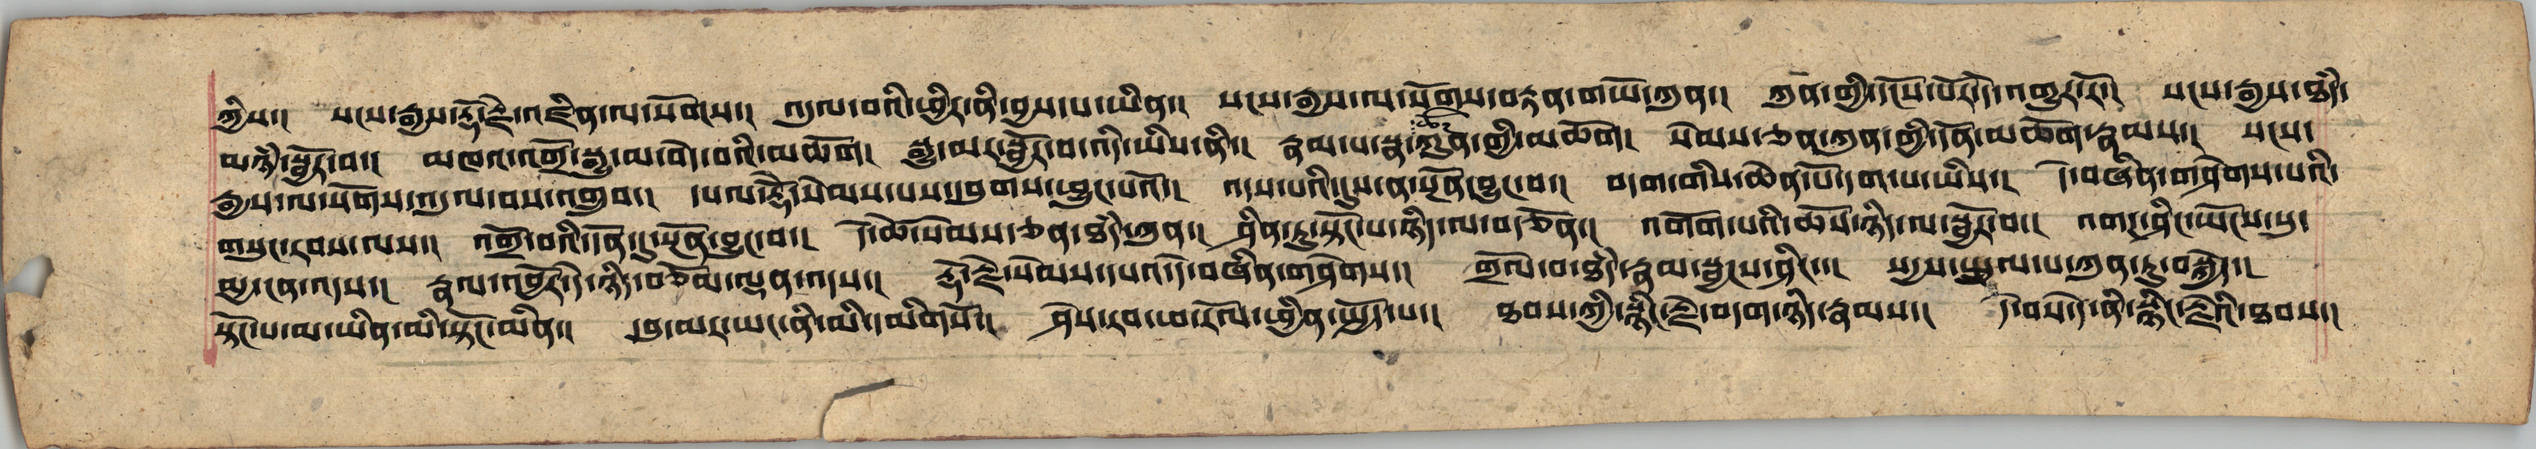ཀྱིས་། སངས་རྒྱས་རྡོ་རྗེ་འཛིན་ལ་སོགས་། འདུལ་བའི་ཕྱིར་ནི་བྱས་པ་ཡིན་། སངས་རྒྱས་ལ་སོགས་བརྟན་གཡོ་ཀུན་། ཀུན་གྱི་དངོས་པོར་དེ་འགྱུར་རོ་། སངས་རྒྱས་ཐཾད་
མཉཾ་སྦྱོར་བ་། མཁའ་འགྲོ་སྒྱུ་མ་བདེ་བའི་མཆོག། སྒྱུ་མར་སྦྱོར་བ་འདི་ཡིས་ནི་། རྣམ་པ་སྣ་ཚོཌ་ཀུན་གྱི་མཆོག། སེམས་ཅན་ཀུན་གྱི་དོན་མཆོག་རྣམས་། སངས་
རྒྱས་ལ་སོགས་འདུལ་བས་འགྲུབ་། དཔལ་རྡོེ་སེམས་པས་དབུགས་ཕྱུང་པའོ་། འདས་པའི་དུས་ན་སྔོན་བྱུང་བ་། བདག་གིས་ཆེན་པོ་དག་པ་ཡིས་། དེ་བཞིན་གཤེགས་པའི་
གསུང་རབས་ལས་། འགྲོ་བའི་དོན་དུ་སྔོན་བྱུང་བ་། དེ་ཚེ་སེམས་ཅན་ཐཾད་ཀུན་། ཤིན་ཏུ་སྟོང་པ་ཉིད་ལ་བརྩོན་། འགོག་པའི་ཆོས་ཉིད་ལ་སྦྱོར་བ་། འགཌ་ཤིང་ཡོངས་སུ་
མྱ་ངན་འདས་། རྣལ་འབྱོར་དེ་ཉིད་བཅོམ་ལྡན་འདས་། རྡོ་རྗེ་སེམས་དཔའ་དེ་བཞིན་གཤེགས་། གྲོལ་བ་ཐཾད་རྣམ་སྦྱངས་ཤིང་་། སདྱས་སྤྲུལ་པ་ཀུན་ཏུ་བསྐྱེད་།
སྟོང་པ་མ་ཡིན་མི་སྟོང་མིན་། དབུ་མར་ཡང་ནི་མི་དམིགསོ་། ཤེས་རབ་ཕ་རོལ་ཕྱིན་སྤྱོད་པ་། ཐབས་ཀྱི་སྙིང་རྗེ་བདག་ཉིད་རྣམས་། དེ་བས་དེ་ནི་སྙིང་རྗེའི་ཐབས་།